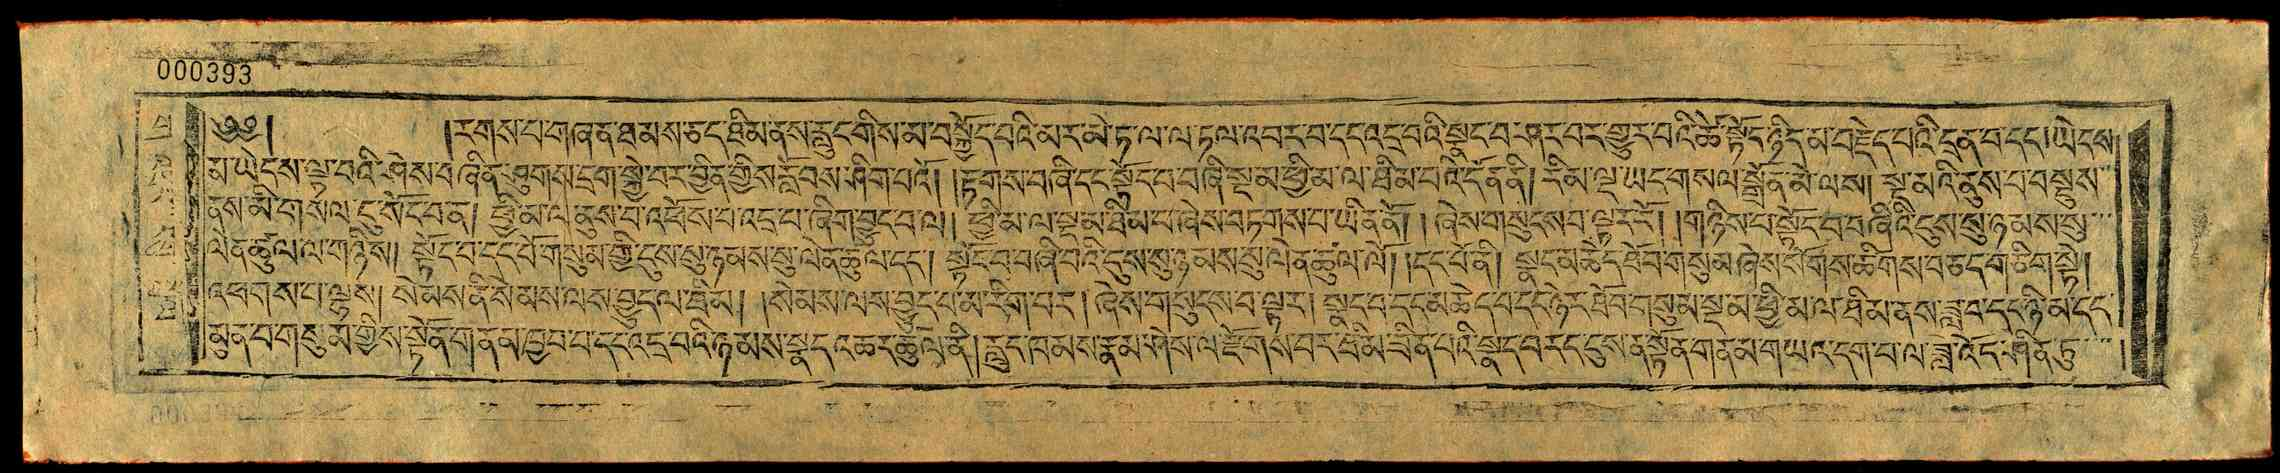༄༅། །རགས་པ་གཞན་ཐམས་ཅད་ཐིམ་ནས་རླུང་གིས་མ་བསྐྱོད་པའི་མར་མེ་ཏ་ལ་ལ་ཐལ་འབར་བ་དང་འདྲ་བའི་སྣང་བ་ཤར་བར་གྱུར་པའི་ཚེ་སྟོང་ཉིད་མ་བརྗེད་པའི་དྲན་པ་དང་། ཡེངས་
མ་ཡེངས་ལྟ་བའི་ཤེས་བཞིན་ཤུགས་དྲག་སྐྱེ་བར་བྱིན་གྱིས་རློབས་ཤིག་པའོ། །རྟགས་བཞི་དང་སྟོང་པ་བཞི་སྔ་མ་ཕྱི་མ་ལ་ཐིམ་པའི་དོན་ནི། རིམ་ལྔ་ཡང་གསལ་སྒྲོན་མེ་ལས། སྔ་མའི་ནུས་པ་བསྡུས་
ནས་མི་གསལ་དུ་སོང་བ་ན། ཕྱི་མ་ལ་ནུས་པ་འཕོས་པ་འདྲ་བ་ཞིག་བྱུང་བ་ལ། ཕྱི་མ་ལ་སྔ་མ་ཐིམ་པ་ཞེས་བཏགས་པ་ཡིན་ནོ། །ཞེས་གསུངས་པ་ལྟར་རོ། །གཉིས་པ་སྟོང་པ་བཞིའི་དུས་སུ་ཉམས་སུ་
ལེན་ཚུལ་ལ་གཉིས། འཆི་བ་དང་པོ་གསུམ་གྱི་དུས་སུ་ཉམས་སུ་ལེན་ཚུལ་དང་། སྟོང་པ་བཞི་པའི་དུས་སུ་ཉམས་སུ་ལེན་ཚུལ་ལོ། །དང་པོ་ནི། སྣང་མཆེད་ཐོབ་གསུམ་ཞེས་སོགས་ཚིགས་བཅད་གཅིག་སྟེ།
འཕགས་པ་ལྟས། སེམས་ནི་སེམས་ལས་བྱུང་ལ་ཐིམ། །སེམས་ལས་བྱུང་བ་མ་རིག་པར། ཞེས་གསུངས་པ་ལྟར། སྣང་བ་དང་མཆེད་པ་དང་ཉེར་ཐོབ་གསུམ་སྔ་མ་ཕྱི་མ་ལ་ཐིམ་ནས་ཟླ་བ་དང་ཉི་མ་དང་
མུན་པ་གསུམ་གྱིས་སྟོན་གནམ་ཁྱབ་པ་དང་འཕྲ་བའི་ཉམས་སྣང་འཆར་ཚུལ་ནི། རླུང་ཁམས་རྣམ་ཤེས་ལ་རྫོགས་པར་ཐིམ་ཟིན་པའི་སྣང་བ་རང་དུས་ན་སྟོན་གནམ་གཡའ་དག་པ་ལ་ཟླ་འོད་ཤིན་ཏུ་